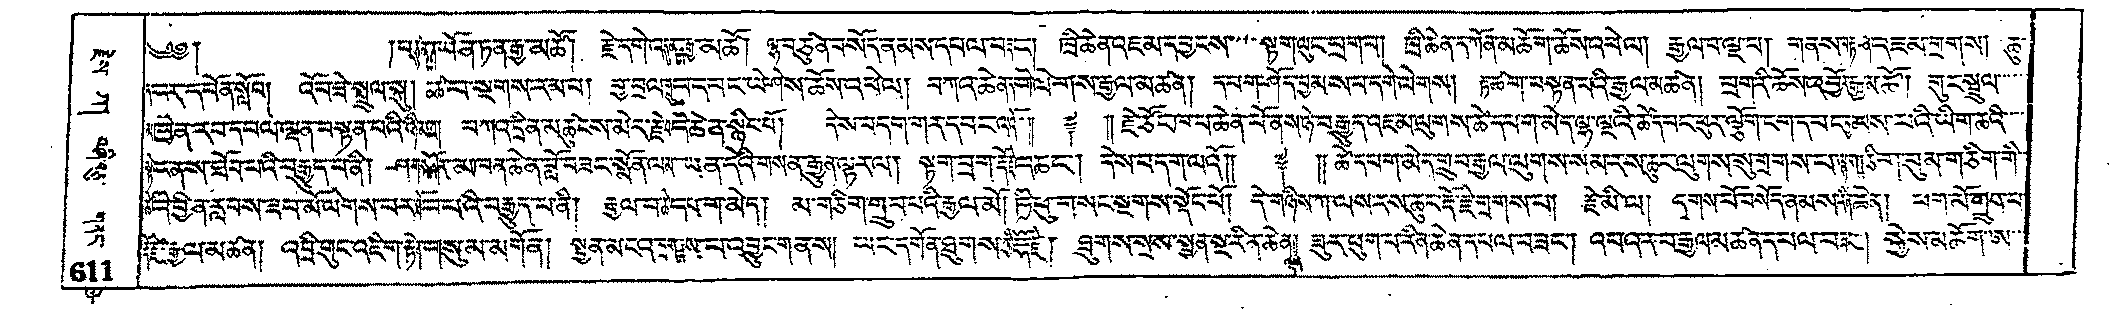༄༅། །བཙུན་ཡོན་ཏན་རྒྱ་མཚོ། །རྗེ་དགེ་འདུན་རྒྱ་མཚོ། ལྷ་བཙུན་བསོད་ནམས་དཔལ་བཟང་། ཁྲི་ཆེན་འཇམ་དབྱངས་སྟག་ལུང་བྲག་པ། ཁྲི་ཆེན་དཀོན་མཆོག་ཆོས་འཕེལ། རྒྱལ་བ་ལྔ་པ། གནས་བརྟན་འཇམ་གྲགས། ཆུ་
དབར་དཔོན་སློབ། འོབ་ཐེ་སྤྲུལ་སྐུ། ཚ་བ་སྔགས་རམ་པ། བྱ་བྲལ་གྲུབ་དབང་ཡེ་ཤེས་ཆོས་འཕེལ། བཀའ་ཆེན་དགེ་ལེགས་རྒྱལ་མཚན། དཔག་ཤོད་བྱམས་པ་དགེ་ལེགས། རྟ་ཚག་བསྟན་པའི་རྒྱལ་མཚན། བྲག་རི་ཆོས་འབྱོར་རྒྱ་མཚོ། གུང་སྦྲུལ་
མཁྱེན་རབ་དཔལ་ལྡན་བསྟན་པའི་ཉི་མ། བཀའ་དྲིན་མཚུངས་མེད་རྗེ་བདེ་ཆེན་སྙིང་པོ། དེས་བདག་གར་དབང་ལའོ།། ༈ །།རྗེ་ཙོང་ཁ་པ་ཆེན་པོ་ནས་ཉེ་བརྒྱུད་འཇམ་ལུགས་ཚེ་དཔག་མེད་ལྷ་ལྔའི་ཚེ་དབང་ཕུར་ལྕོག་ངག་དབང་བྱམས་པའི་ཡིག་ཆའི་
སྟེང་ནས་ཐོབ་པའི་བརྒྱུད་པ་ནི། ཤག་སྐོར་མཁན་ཆེན་བློ་བཟང་སྨོན་ལམ་ཡན་དེའི་གསན་རྒྱུན་ལྟར། ལ། སྟག་བྲག་རྡོ་རྗེ་འཆང་། དེས་བདག་ལའོ།། ༧་།།ཚེ་དཔག་མེད་གྲུབ་རྒྱལ་ལུགས་སམ་རས་ཆུང་ལུགས་སུ་གྲགས་པ་ལྷ་གཅིག་བུམ་གཅིག་གི་
ཆེའི་བྱིན་རླབས་ཟབ་མོ་ལེགས་པར་ཐོབ་པའི་བརྒྱུད་པ་ནི། རྒྱལ་བ་ཚེ་དཔག་མེད། མ་གཅིག་གྲུབ་པའི་རྒྱལ་མོ། ཏི་ཕུ་གསང་སྔགས་སྡོང་པོ། དེ་གཉིས་ཀ་ལས་རས་ཆུང་རྡོ་རྗེ་གྲགས་པ། རྗེ་མི་ལ། དྭགས་པོ་བསོད་ནམས་རིན་ཆེན། ཕག་མོ་གྲུབ་པ་
རྡོ་རྗེ་རྒྱལ་མཚན། འབྲི་གུང་འཇིག་རྟེན་གསུམ་མགོན། སྤྱན་མངའ་གྲགས་པ་འབྱུང་གནས། ཡང་དགོན་ཐུགས་ཀྱི་རྡོ་རྗེ། ཐུགས་སྲས་སྤྱན་སྔ་རིན་ཆེན་ལྡན། ཟུར་ཕུག་པ་རིན་ཆེན་དཔལ་བཟང་། འབའ་ར་བ་རྒྱལ་མཚན་དཔལ་བཟང་། སྐྱེས་མཆོག་ཨ་